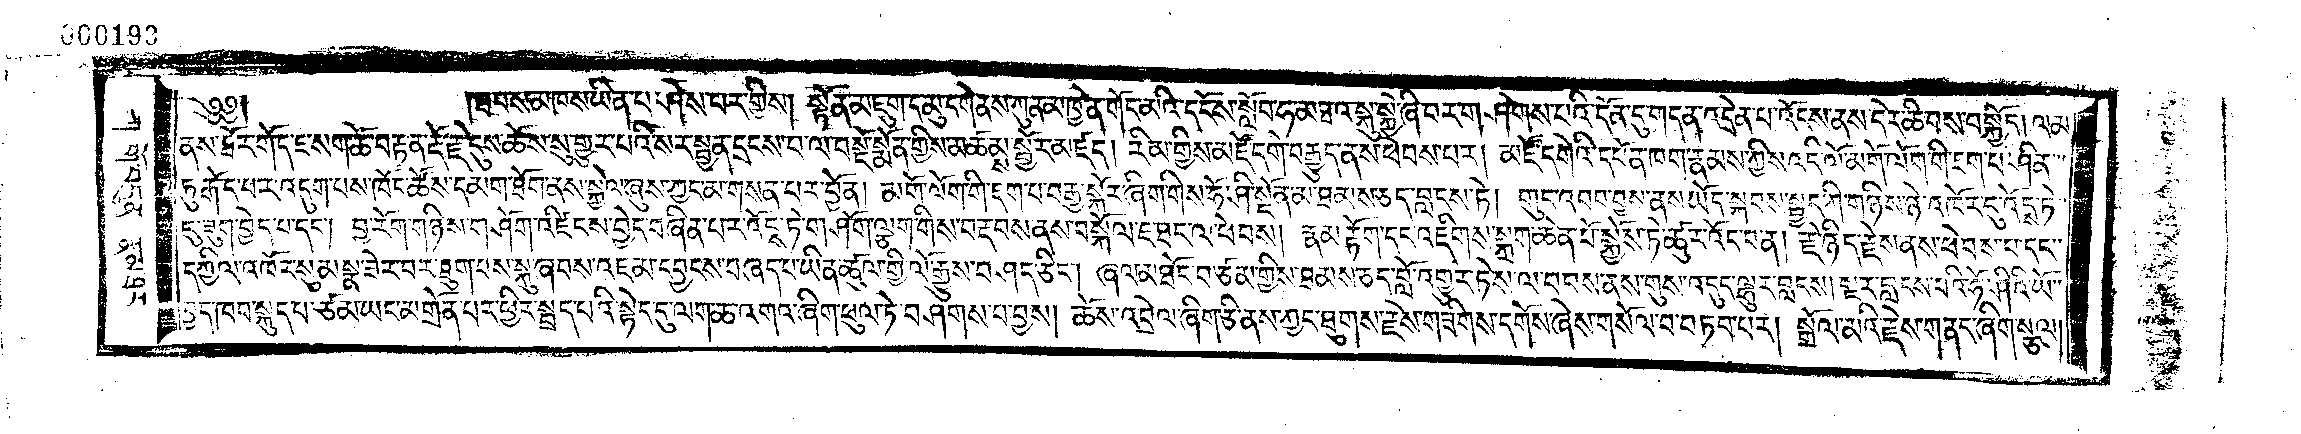༄༅། །ཐབས་མཁས་ཡིན་པ་ཤེས་པར་གྱིས། སྟོན་མཇུག་དམུ་དགེ་ནས་ཀུན་མཁྱེན་གོང་མའི་དངོས་སློབ་ཧ་མཐའ་སྐུ་སྐྱེ་ཞི་བར་གཤེགས་པའི་དོན་དུ་གདན་འདྲེན་པ་འོངས་ནས་དེར་ཆིབས་བསྐྱོད། ལམ་
ནས་ཐོར་གོད་ཇ་སག་ཚེ་བརྟན་རྡོ་རྗེ་དུས་ཆོས་སུ་གྱུར་པའི་སར་སྤྱན་དྲངས་པ་ལ་བསྔོ་སྨོན་གྱིས་མཚམས་སྦྱོར་མཛད། རིམ་གྱིས་མཛོ་དགེ་བརྒྱུད་ནས་ཕེབས་པར། མཛོ་དགེའི་དཔོན་ཁག་རྣམས་ཀྱིས་འདི་ལོ་མགོ་ལོག་གི་ཇག་པ་ཤིན་
ཏུ་རྒོད་པར་འདུག་པས་ཁོང་ཚོས་དམག་ཐོག་ནས་སྐྱེལ་ཞུས་ཀྱང་མ་གསན་པར་བྱོན། མགོ་ལོག་གི་ཇག་པ་བརྒྱ་སྐོར་ཞིག་གིས་ཧོ་ཤི་སྔོན་མ་ཐམས་ཅད་བླངས་ཏེ། གུང་འབབ་བྱས་ནས་ཡོད་སྐབས་སྤྱང་གི་གཉིས་ཉེ་འཁོར་དུ་འོངས་ཏེ་
དུ་ཟུག་བྱེད་པ་དང་། བྱ་རོག་གཉིས་གཤོག་འཛིངས་བྱེད་བཞིན་པར་འོངས་ཏེ་གཤོག་ལྕག་གིས་བརྡབས་ནས་བསྐོལ་ཇ་ཐང་ལ་ཕོ་བས། རྣམ་རྟོག་དང་འཇིགས་སྐྲག་ཆེན་པོ་སྐྱེས་ཏེ་ཚུར་འོང་བ་ན། རྗེ་ཉིད་རྗེས་ནས་ཕེབས་པ་དང་
དཀྱིལ་འཁོར་སུམ་སྣ་ཟང་བར་ཐུག་པས་སྐུ་ཞབས་འཇམ་དབྱངས་བཞད་པ་ཡིན་ཚུལ་གྱི་ལོ་རྒྱུས་བཤད་ཅིང་། ཞལ་མཐོང་བ་ཙམ་གྱིས་ཐམས་ཅད་བློ་འགྱུར་ཏེ་ས་ལ་བབས་ནས་གུས་འདུད་ལྷུར་བླངས། སྔར་བླངས་པའི་ཧོ་ཤིའི་ཡོ་
བྱད་ཁ་བསྐུད་པ་ཙམ་ཡང་མགྲོན་པར་ཕྱིར་སྤྲད་པའི་སྟེང་དུ་ལག་ཆ་འགའ་ཞིག་ཕུལ་ཏེ་བཤགས་པ་བྱས། ཆོས་འབྲེལ་ཞིག་ཅི་ནས་ཀྱང་ཐུགས་རྗེས་གཟིགས་དགོས་ཞེས་གསོལ་བ་བཏབ་པར། སྒྲོལ་མའི་རྗེས་གནང་ཞིག་སྩལ།